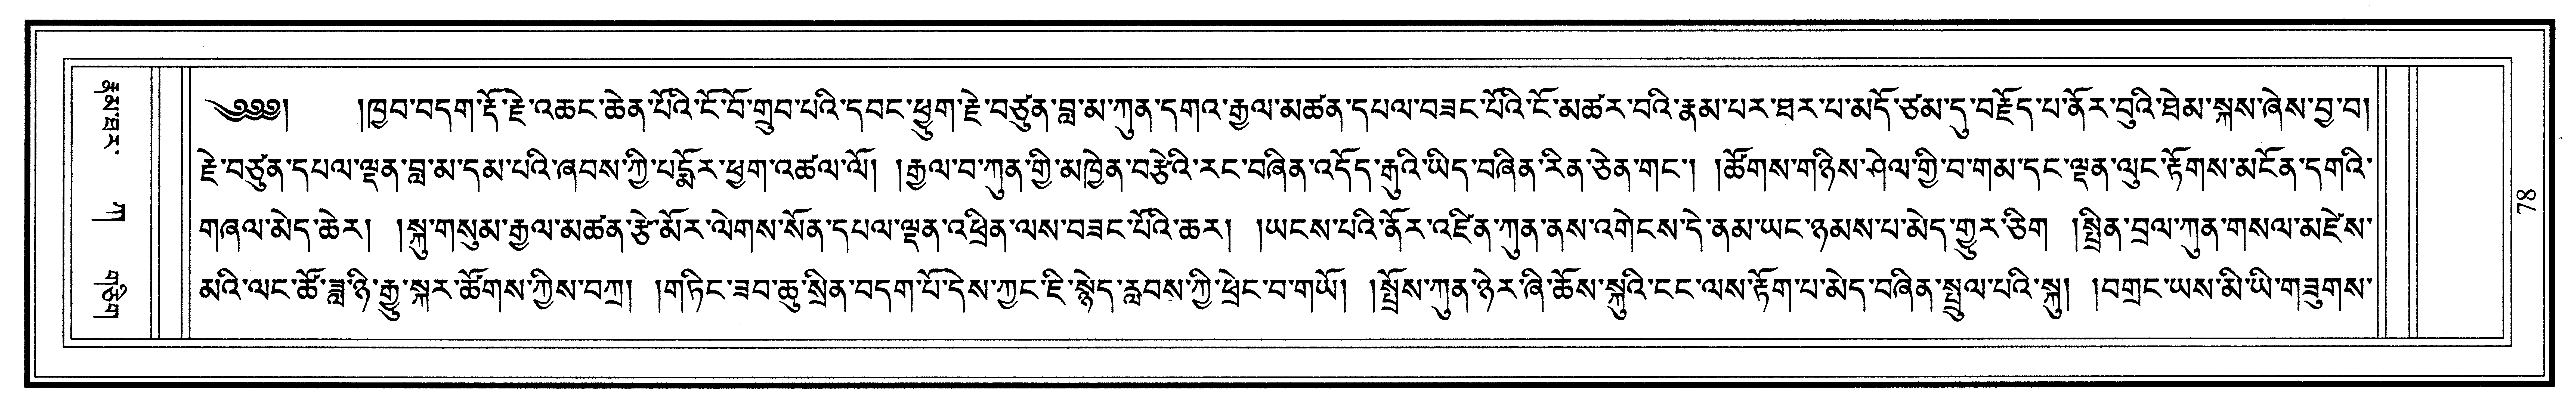༄༅༅། །ཁྱབ་བདག་རྡོ་རྗེ་འཆང་ཆེན་པོའི་ངོ་བོ་གྲུབ་པའི་དབང་ཕྱུག་རྗེ་བཙུན་བླ་མ་ཀུན་དགའ་རྒྱལ་མཚན་དཔལ་བཟང་པོའི་ངོ་མཚར་བའི་རྣམ་པར་ཐར་པ་མདོ་ཙམ་དུ་བརྗོད་པ་ནོར་བུའི་ཐེམ་སྐས་ཞེས་བྱ་བ།
རྗེ་བཙུན་དཔལ་ལྡན་བླ་མ་དམ་པའི་ཞབས་ཀྱི་པདམོར་ཕྱག་འཚལ་ལོ། །རྒྱལ་བ་ཀུན་གྱི་མཁྱེན་བརྩེའི་རང་བཞིན་འདོད་རྒུའི་ཡིད་བཞིན་རིན་ཅེན་གང་། །ཚོགས་གཉིས་ཤེལ་གྱི་བ་གམ་དང་ལྡན་ལུང་རྟོགས་མངོན་དགའི་
གཞལ་མེད་ཆེར། །སྐུ་གསུམ་རྒྱལ་མཚན་རྩེ་མོར་ལེགས་སོན་དཔལ་ལྡན་འཕྲིན་ལས་བཟང་པོའི་ཆར། །ཡངས་པའི་ནོར་འཛིན་ཀུན་ནས་འགེངས་དེ་ནམ་ཡང་ཉམས་པ་མེད་གྱུར་ཅིག །སྤྲིན་བྲལ་ཀུན་གསལ་མཛེས་
མའི་ལང་ཚོ་ཟླ་ཉི་རྒྱུ་སྐར་ཚོགས་ཀྱིས་བཀྲ། །གཏིང་ཟབ་ཆུ་སྲིན་བདག་པོ་དེས་ཀྱང་ཇི་སྙེད་རླབས་ཀྱི་ཕྲེང་བ་གཡོ། །སྤྲོས་ཀུན་ཉེར་ཞི་ཆོས་སྐུའི་ངང་ལས་རྟོག་པ་མེད་བཞིན་སྤྲུལ་པའི་སྐུ། །བགྲང་ཡས་མི་ཡི་གཟུགས་